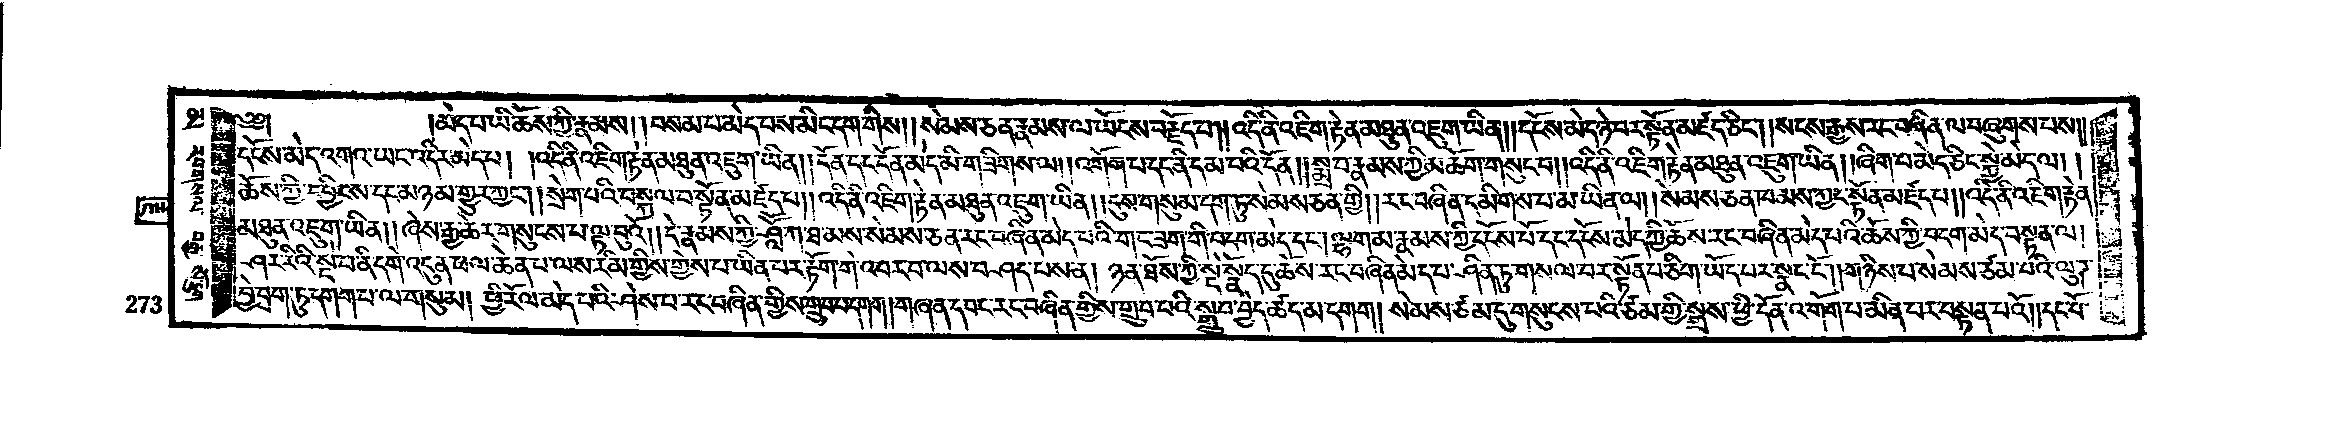༄༅། །མེད་པ་ཡི་ཆོས་ཀྱི་རྣམས། །བསམ་པ་མེད་པས་མིང་དག་གིས། །སེམས་ཅན་རྣམས་ལ་ཡོངས་བརྗོད་པ། །འདི་ནི་འཇིག་རྟེན་མཐུན་འཇུག་ཡིན། །དངོས་མེད་ཉེ་བར་སྟོན་མཛད་ཅིང་། །སངས་རྒྱས་རང་བཞིན་ལ་བཞུགས་པས། །
དངོས་མེད་འགའ་ཡང་འདིར་མེད་པ། །འདི་ནི་འཇིག་རྟེན་མཐུན་འཇུག་ཡིན། །དོན་དང་དོན་མེད་མི་གཟིགས་ལ། །འགོག་པ་དང་ནི་དམ་པའི་དོན། །སྨྲ་བ་རྣམས་ཀྱི་མཆོག་གསུང་བ། །འདི་ནི་འཇིག་རྟེན་མཐུན་འཇུག་ཡིན། །ཞིག་པ་མེད་ཅིང་སྐྱེ་མེད་ལ། །
ཆོས་ཀྱི་དབྱིངས་དང་མཉམ་གྱུར་ཀྱང་། །སྲེག་པའི་བསྐལ་པ་སྟོན་མཛད་པ། །འདི་ནི་འཇིག་རྟེན་མཐུན་འཇུག་ཡིན། །དུས་གསུམ་དག་ཏུ་སེམས་ཅན་གྱི། །རང་བཞིན་དམིགས་པ་མ་ཡིན་ལ། །སེམས་ཅན་ཁམས་ཀྱང་སྟོན་མཛད་པ། །འདི་ནི་འཇིག་རྟེན་
མཐུན་འཇུག་ཡིན། །ཞེས་རྒྱ་ཆེར་གསུངས་པ་ལྟ་བུའོ། །དེ་རྣམས་ཀྱི་ཤོལོ་ཀ་ཐ་མས་སེམས་ཅན་རང་བཞིན་མེད་པའི་གང་ཟག་གི་བདག་མེད་དང་། ལྷག་མ་རྣམས་ཀྱི་དངོས་པོ་དང་དངོས་མེད་ཀྱི་ཆོས་རང་བཞིན་མེད་པའི་ཆོས་ཀྱི་བདག་མེད་བསྟན་ལ།
ཤར་རིའི་སྡེ་པ་ནི་དགེ་འདུན་ཕལ་ཆེན་པ་ལས་རིམ་གྱིས་གྱེས་པ་ཡིན་པར་རྟོག་གེ་འབར་བ་ལས་བཤད་པས་ན། ཉན་ཐོས་ཀྱི་སྡེ་སྣོད་དུ་ཆོས་རང་བཞིན་མེད་པ་ཤིན་ཏུ་གསལ་བར་སྟོན་པ་ཅིག་ཡོད་པར་སྣང་ངོ། །གཉིས་པ་སེམས་ཙམ་པའི་ལུགས་
བྱེ་བྲག་ཏུ་དགག་པ་ལ་གསུམ། ཕྱི་རོལ་མེད་པའི་ཤེས་པ་རང་བཞིན་གྱིས་གྲུབ་པ་དགག །གཞན་དབང་རང་བཞིན་གྱིས་གྲུབ་པའི་སྒྲུབ་བྱེད་ཚད་མ་དགག །སེམས་ཙམ་དུ་གསུངས་པའི་ཙམ་གྱི་སྒྲས་ཕྱི་དོན་འགོག་པ་མིན་པར་བསྟན་པའོ། །དང་པོ་